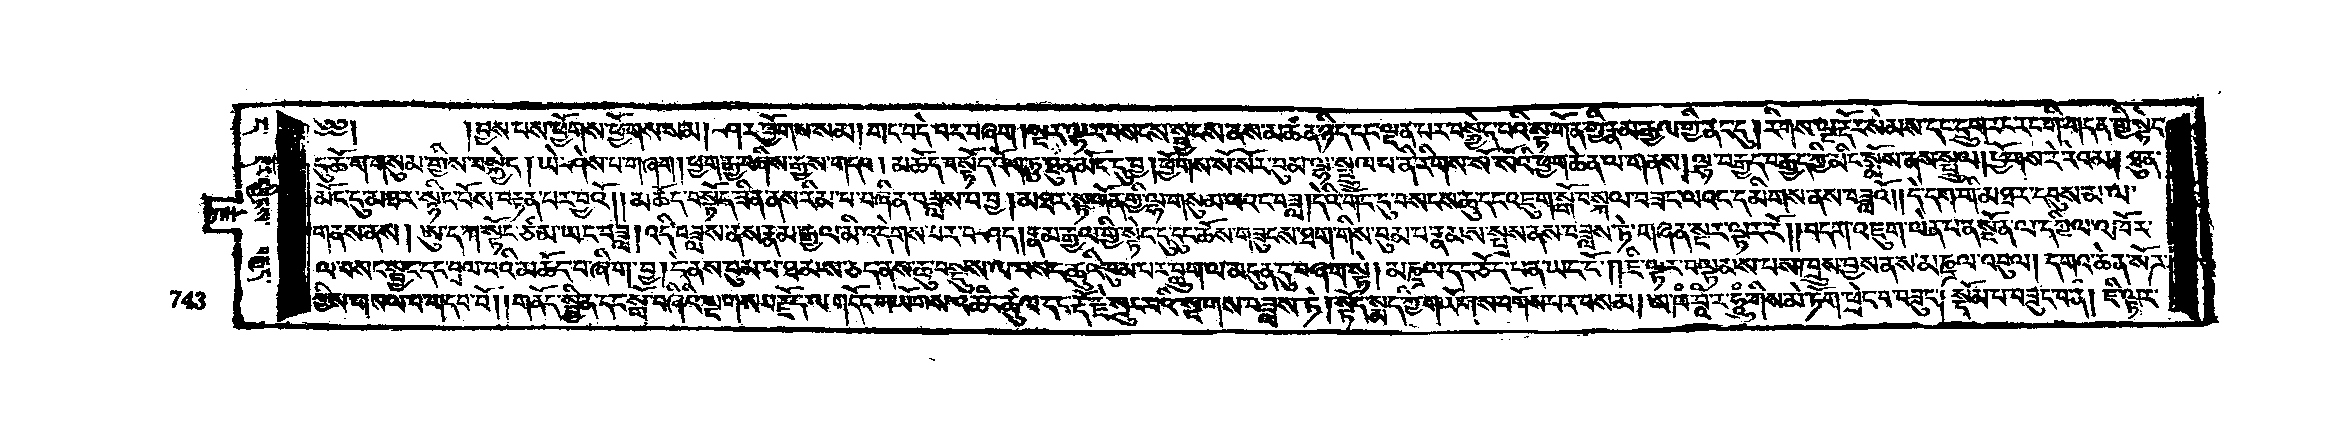༄༅། །བྱས་པས་ཕྱོགས་ཕྱོགས་སམ། ཤར་ཕྱོགས་སམ། གང་བདེ་བར་བཞག །སྔར་ལྷར་བསངས་སྦྱངས་ནས་མཚན་ཉིད་དང་ལྡན་པར་བསྐྱེད་པའི་སྟ་གོན་གྱི་རྣམ་རྒྱལ་གྱི་ནང་དུ། རིགས་ལྔ་རྡོར་སེམས་དང་དྲུག་རང་རང་གི་གདན་གྱི་སྟེང་
དུ་ཆོ་ག་གསུམ་གྱིས་བསྐྱེད། ཡེ་ཤེས་པ་གཞག །ཕྱག་རྒྱ་བཞིས་རྒྱས་གདབ། མཆོད་བསྟོད་འོག་ཏུ་ཐུན་མོང་དུ་བྱ། ཕྱོགས་སོ་སོར་བུམ་ལྷ་སྤྲུལ་པ་ནི་རིགས་སོ་སོའི་ཕྱག་ཆེན་ལ་གནས། ལྷ་བརྒྱད་བརྒྱད་ཀྱི་མིང་སྨོས་ནས་སྤྲུལ། ཕྱོགས་རེ་རེའམ། ཐུན་
མོང་དུ་མཐར་སྙིང་པོས་བརྟན་པར་བྱའོ། །མཆོད་བསྟོད་ཟིན་ནས་རིམ་པ་བཞིན་བཟླས་པ་བྱ། མཐར་སྟ་གོན་གྱི་ལྷ་གསུམ་ལའང་བཟླ། དེའི་གོང་དུ་བསངས་ཆུ་དང་འཇུག་སྒོ་བསྐལ་བཟང་ལའང་དམིགས་ནས་བཟླའོ། །དེ་དག་གི་མཐར་དབུས་མ་ལ་
གནས་ནས། ཨུ་ད་ཀ་སྟོང་ཙམ་ཡང་བཟླ། འདི་བཟླས་ནས་རྣམ་རྒྱལ་མི་འདེགས་པར་བཤད། རྣམ་རྒྱལ་གྱི་སྟེང་དུ་དུང་ཆོས་གཟུངས་ཐག་གིས་བུམ་པ་རྣམས་སྤྲས་ནས་བཟླས་ཏེ་གཞན་སྔར་ལྟར་རོ། །བདག་འཇུག་ལེན་པ་ན་སྔོན་ལ་དཀྱིལ་འཁོར་
ལ་བསང་སྦྱང་དང་བྲལ་བའི་མཆོད་པ་ཞིག་བྱ། དེ་ནས་བུམ་པ་ཐམས་ཅད་ནས་ཆུ་བསྡུས་ལ་བསང་ཆུའི་བུམ་པར་བླུག་ལ་མདུན་དུ་བཞག་སྟེ། མཎྜལ་དང་ཅོད་པན་ཡང་ངོ། །ཇི་ལྟར་བལྟམས་པས་ཁྲུས་བྱས་ནས་མཎྜལ་འབུལ། དགའ་ཆེན་སོགས་
ཀྱིས་གསལ་བ་གདབ་བོ། །གནོད་སྦྱིན་དང་སྒོ་བཞིའི་སྔགས་བརྗོད་ལ་གདོང་གཡོགས་འཆིང་ཚུལ་དང་རྡོ་རྗེ་སྲུང་བའི་སྔགས་བཟླས་ཏེ། སྟོད་སྨད་ཀྱི་གཡོགས་བགོས་པར་བསམ། ཨ་ཁཾ་བཱི་ར་ཧཱུཾ་གིས་མེ་ཏོག་ཕྲེང་བ་བཟུང་། སྡོམ་པ་བཟུང་བ་ནི། ཇི་ལྟར་